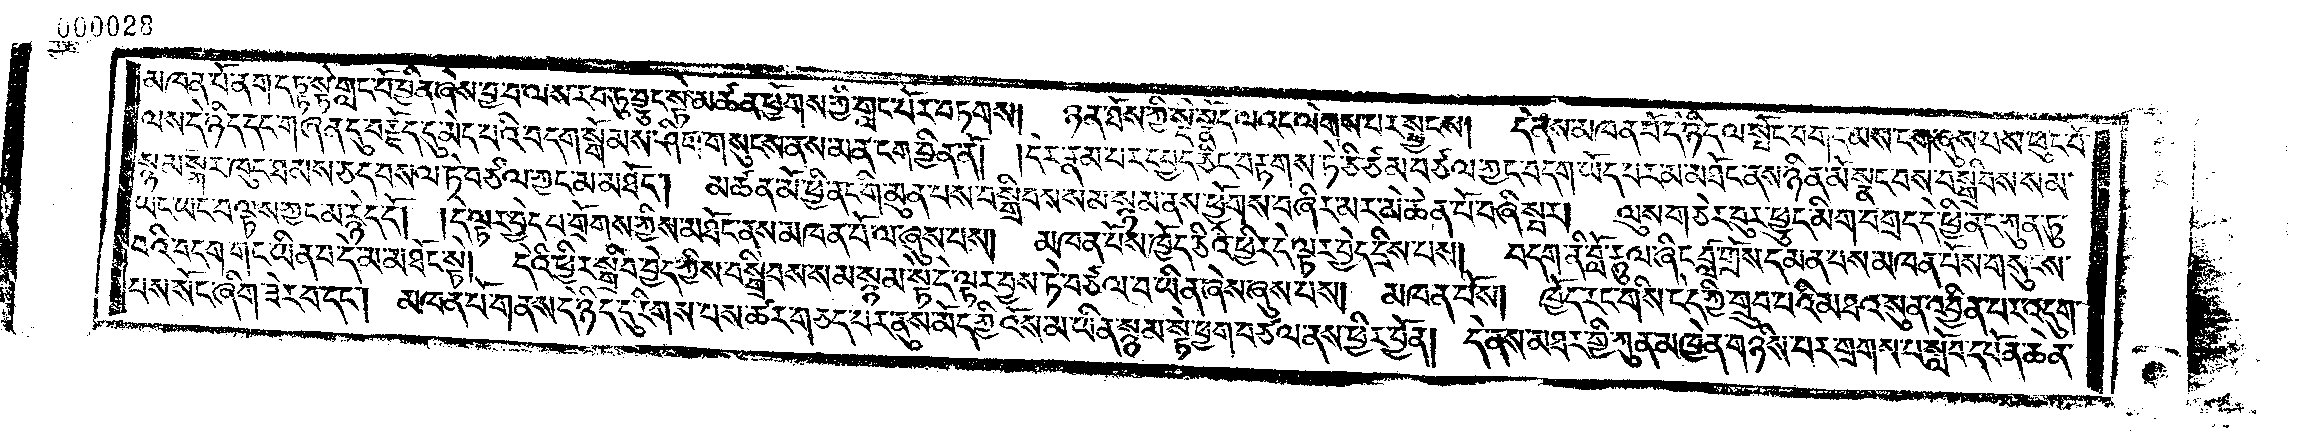མཁན་པོ་ན་ག་དཏྟ་སྟེ་གླང་པོ་བྱིན་ཞེས་བྱ་བ་ལས་རབ་ཏུ་བྱུང་སྟེ་མཚན་ཕྱོགས་ཀྱི་གླང་པོར་བཏགས། ཉན་ཐོས་ཀྱི་སྡེ་སྣོད་ལའང་ལེགས་པར་སྤྱངས། དེ་ནས་མཁན་པོ་དེ་ཉིད་ལ་སྤོང་བ་གདམས་ངག་ཞུས་པས་ཕུང་པོ་
ལས་དེ་ཉིད་དང་གཞན་དུ་བརྗོད་དུ་མེད་པའི་བདག་སྒོམས་ཤིག་གསུངས་ནས་མན་ངག་བྱིན་ནོ། །དེར་རྣམ་པར་དཔྱད་ཅིང་བརྟགས་ཏེ་ཅི་ཙམ་བཙལ་ཀྱང་བདག་ཡོད་པར་མ་མཐོང་ནས་ཉིན་མོ་སྣང་བས་བསྒྲིབས་སམ་
སྙམ་སྐར་ཁུང་ཐམས་ཅད་བསལ་ཏེ་བཙལ་ཀྱང་མ་མཐོང་། མཚན་མོ་ཕྱི་ནང་གི་མུན་པས་བསྒྲིབས་སམ་སྙམ་ནས་ཕྱོགས་བཞིར་མར་མེ་ཆེན་པོ་བཞི་སྦར། ལུས་གཅེར་བུར་ཕྱུད་མིག་བགྲད་དེ་ཕྱི་ནང་ཀུན་ཏུ་
ཡང་ཡང་བལྟས་ཀྱང་མ་རྙེད་དོ། །དེ་ལྟར་བྱེད་པ་གྲོགས་ཀྱིས་མཐོང་ནས་མཁན་པོ་ལ་ཞུས་པས། མཁན་པོས་ཁྱོད་ཅིའི་ཕྱིར་དེ་ལྟར་བྱེད་དྲིས་པས། བདག་ནི་བློ་རྟུལ་ཞིང་བློ་གྲོས་དམན་པས་མཁན་པོས་གསུངས་
བའི་བདག་གང་ཡིན་པ་དེ་མ་མཐོང་སྟེ། དེའི་ཕྱིར་སྒྲིབ་བྱེད་ཀྱིས་བསྒྲིབས་སམ་སྙམ་སྟེ་དེ་ལྟར་བྱས་ཏེ་བཙལ་བ་ཡིན་ཞེས་ཞུས་པས། མཁན་པོས། ཁྱོད་རང་གིས་ངེད་ཀྱི་གྲུབ་པའི་མཐའ་སུན་འབྱིན་པར་འདུག་
པས་སོང་ཞིག་ཟེར་བ་དང་། མཁན་པོ་གནས་དེ་ཉིད་དུ་རིགས་པས་ཚར་གཅད་པར་ནུས་མོད་ཀྱི་འོས་མ་ཡིན་སྙམ་སྟེ་ཕྱག་བཙལ་ནས་ཕྱིར་བྱོན། དེ་ནས་མཐར་གྱི་ཀུན་མཁྱེན་གཉིས་པར་གྲགས་པ་སློབ་དཔོན་ཆེན་